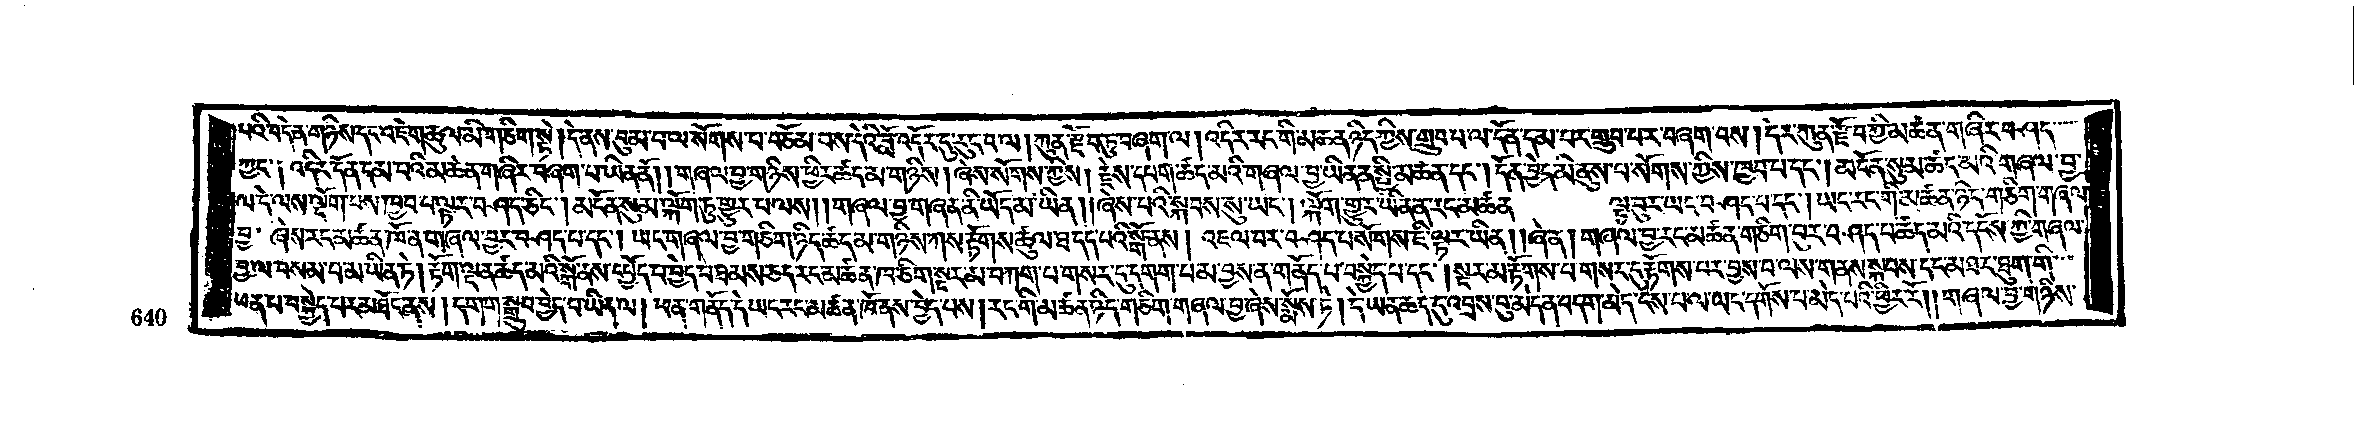པའི་བདེན་གཉིས་དང་འཇིག་ཆུལ་མི་གཅིག་སྟེ། དེ་ནས་བུམ་པ་ལ་སོགས་པ་བཅོམ་བས་དེའི་བློ་འདོར་དུ་རུང་བ་ལ། ཀུན་རྫོབ་ཏུ་བཞག་ལ། འདིར་རང་གི་མཚན་ཉིད་ཀྱིས་གྲུབ་པ་ལ་དོན་དམ་པར་གྱུར་པར་བཞག་བས། དེར་ཀུན་རྫོབ་ཀྱི་མཚན་ཉིད་གཞི་བཤད་
ཀྱང་། འདིར་དོན་དམ་པའི་མཚན་གཞིར་བཞག་པ་ཡིན་ནོ། །གཞལ་བྱ་གཉིས་ཕྱིར་ཚད་མ་གཉིས། ཞེས་སོགས་ཀྱིས། རྗེས་དཔག་ཚད་མའི་གཞལ་བྱ་ཡིན་ན་སྤྱི་མཚན་དང་། དོན་བྱེད་མི་ནས་པ་སོགས་ཀྱིས་ཁྱབ་པ་དང་། མངོན་སུམ་ཚད་མའི་གཞལ་བྱ་
ལེ་དེ་ལས་ལྡོག་པས་ཁྱབ་ལྟར་བཤད་ཅིང་། མངོན་སུམ་ལྐོག་ཏུ་གྱུར་པ་ལས། །གཞལ་བྱ་གཞན་ནི་ཡོད་མ་ཡིན། །ཞེས་པའི་སྐབས་སུ་ཡང་། ལྐོག་གྱུར་ཡིན་ན་རང་མཚན་ལྟ་བུར་ཡང་བཤད་པར་དང་། ཡང་རང་གི་མཚན་ཉིད་གཅིག་གཞལ་
བྱ་ཞེས་རང་མཚན་ཁོ་ན་གཞལ་བྱར་བཤད་པ་དང་། ཡང་གཞལ་བྱ་གཅིག་ཉིད་ཚད་མ་གཉིས་ཀས་རྟོགས་ཚུལ་ཐ་དད་པའི་སྒོ་ནས། འཇལ་བར་བཤད་པ་སོགས་ཇི་ལྟར་ཡིན། །ཞེས་གཞལ་བྱ་རང་མཚན་གཅིག་བུར་བཤད་པ་ཚད་མའི་དངོས་ཀྱི་གཞལ་
བྱ་བ་བསམ་པ་མ་ཡིན་ཏེ། རྟོག་ལྡན་ཚད་མའི་སྒོ་ནས་དཔྱོད་པ་བྱེད་པ་ཐམས་ཅད་རང་མཚན་ཁ་ཅིག་སྔར་མ་བཀག་པ་གསར་དུ་དགག་པ་མ་བྱས་ན་གནོད་པ་བསྐྱེད་པ་དང་། སྔར་མ་རྟོགས་པ་གསར་དུ་རྟོགས་པར་བྱས་པ་ལས་གནས་སྐབས་དང་མཐར་ཐུག་གི་
ཕན་པ་བསྐྱེད་པར་མཐོང་ནས། དགག་སྒྲུབ་བྱེད་པ་ཡིན་ལ། ཕན་གནོད་དེ་ཡང་རང་མཚན་ཁོ་ནས་བྱེད་པས། རང་གི་མཚན་ཉིད་གཅིག་གཞལ་བྱ་ཞེས་སྨོས་ཏེ། དེ་ཡན་ཆད་དུ་འབྲས་བུ་མེད་ན་བདག་མེད་ངེས་པ་ལ་ལང་དགོས་པ་མེད་པའི་ཕྱིར་རོ། །གཞལ་བྱ་གཉིས་